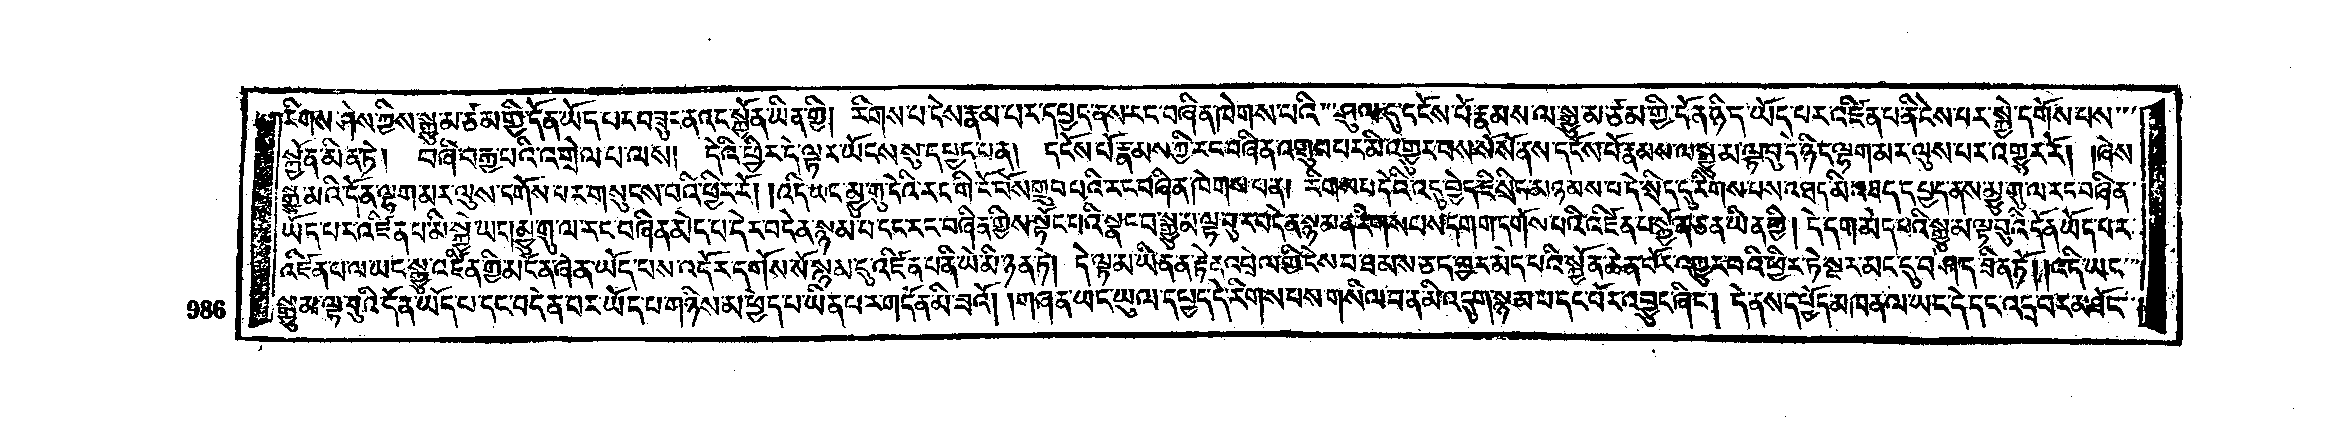རིགས་ཤེས་ཀྱིས་སྒྱུ་མ་ཙམ་གྱི་དོན་ཡོད་པར་བཟུང་ནའང་སྐྱོན་ཡིན་གྱི། རིགས་པ་དེས་རྣམ་པར་དཔྱད་ནས་རང་བཞིན་ཁེགས་པའི་ཤུལ་དུ་དངོས་པོ་རྣམས་ལ་སྒྱུ་མ་ཙམ་གྱི་དོན་ཉིད་ཡོད་པར་འཛིན་པ་ནི་ངེས་པར་སྐྱེ་དགོས་པས་
སྐྱོན་མིན་ཏེ། བཞི་བརྒྱ་པའི་འགྲེལ་པ་ལས། དེའི་ཕྱིར་དེ་ལྟར་ཡོངས་སུ་དཔྱད་པ་ན། དངོས་པོ་རྣམས་ཀྱི་རང་བཞིན་འགྲུབ་པར་མི་འགྱུར་བས་སོ་སོ་ནས་དངོས་པོ་རྣམས་ལ་སྒྱུ་མ་ལྟ་བུ་དེ་ཉིད་ལྷག་མར་ལུས་པར་འགྱུར་རོ། །ཞེས་
སྒྱུ་མའི་དོན་ལྷག་མར་ལུས་དགོས་པར་གསུངས་པའི་ཕྱིར་རོ། །འདི་ཡང་མྱུ་གུ་དེའི་རང་གི་ངོ་བོས་གྲུབ་པའི་རང་བཞིན་ཁེགས་པ་ན། རིགས་པ་དེའི་འདུ་བྱེད་ཇི་སྲིད་མ་ཉམས་པ་དེ་སྲིད་དུ་རིགས་པས་འཐད་མི་འཐད་དཔྱད་ནས་མྱུ་གུ་ལ་རང་བཞིན་
ཡོད་པར་འཛིན་པ་མི་སྐྱེ་ཡང་། མྱུ་གུ་ལ་རང་བཞིན་མེད་པ་དེར་བདེན་སྙམ་པ་དང་རང་བཞིན་གྱིས་སྟོང་པའི་སྣང་བ་སྒྱུ་མ་ལྟ་བུར་བདེན་སྙམ་ན་རིགས་པས་དགག་དགོས་པའི་འཛིན་པ་སྐྱོན་ཅན་ཡིན་གྱི། དེ་དག་མེད་པའི་སྒྱུ་མ་ལྟ་བུའི་དོན་ཡོད་པར་
འཛིན་པ་ལ་ཡང་སྒྱུ་འཛིན་གྱི་མངོན་ཞེན་ཡོད་པས་འདོར་དགོས་སོ་སྙམ་དུ་འཛིན་པ་ནི་ཡེ་མི་ཉན་ཏེ། དེ་ལྟ་མ་ཡིན་ན་རྟེན་འབྲེལ་གྱི་ངེས་པ་ཐམས་ཅད་བྱར་མེད་པའི་སྐྱོན་ཆེན་པོར་འགྱུར་བའི་ཕྱིར་ཏེ་སྔར་མང་དུ་བཤད་ཟིན་ཏོ། །འདི་ཡང་
སྒྱུ་མ་ལྟ་བུའི་དོན་ཡོད་པ་དང་བདེན་པར་ཡོད་པ་གཉིས་མ་ཕྱེད་པ་ཡིན་པར་གདོན་མི་ཟའོ། །གཞན་ཡང་ཡུལ་དཔྱད་དེ་རིགས་པས་གསིལ་བ་ན་མི་འདུག་སྙམ་པ་དང་པོར་འབྱུང་ཞིང་། དེ་ནས་དཔྱོད་མཁན་ལ་ཡང་དེ་དང་འདྲ་བར་མཐོང་